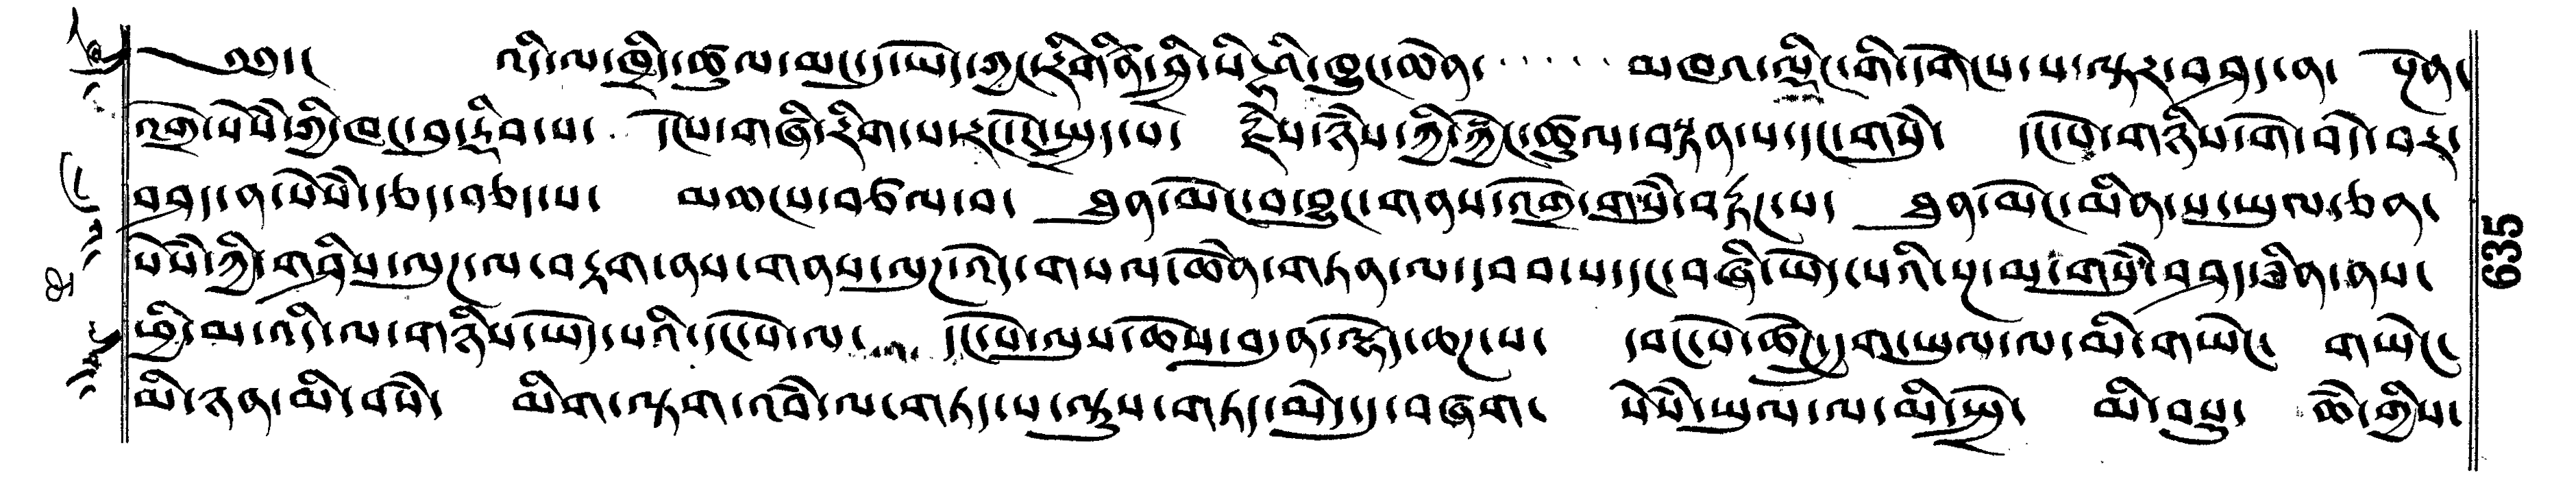འདི་ལ་ཁྲིད་ཚུལ་མང་དུ་ཡོད་ཀྱང་རིག་འཛིན་ཤྲི་སེངྷའི་ཁྱུང་ཆེན་མཁའ་ལྡིང་གི་དགོངས་པ་ལྟར་བཤད་ན། སྔོན་
འགྲོ་སེམས་ཀྱི་ཁང་བུ་རྡིབ་པ། དངོས་གཞི་རིག་པ་རང་ངོ་སྤྲད་པ། རྗེས་ཉམས་ཀྱི་སྐྱོང་ཚུལ་བསྟན་པ་དང་གསུམ། དང་པོ་གཉིས་གོ་བདེ་བར་
བཤད་ན་སེམས་རྩད་གཅོད་པ། མཚང་བཙལ་བ། ཐུན་མོང་བ་བྱུང་གནས་འགྲོ་གསུམ་བརྟགས་པ། ཐུན་མོང་མིན་པ་ཡུལ་ཅན་
སེམས་ཀྱི་གཤིས་ལུགས་ལ་བརྟགས་ནས་གནས་ལུགས་འོད་གསལ་ཆེན་པོ་གཏན་ལ་དབབ་པ་དང་བཞི་ཡོད་པའི་སྔ་མ་གསུམ་བཤད་ཟིན་ནས།
 ཕྱི་མ་འདི་ལ་གཉིས་ཡོད་པའི་དང་པོ་ལ། དང་པོ་ལུས་ཆོས་བདུན་ལྷོད་ཆགས་པ། དབང་པོ་ཚོགས་དྲུག་ཡུལ་ལ་མི་གཡེང་། གཡེང་
མི་ཉན་མི་བསམ། མིག་ ( ལྟག་འབམ་ལ་ ?) སྟག་པ་འབོལ་ལ་གཏད་པ་ལྟ་བུས་གཏད་མེད་དུ་བཞགསེམས་ཡུལ་ལ་མི་སྤྲོ། མི་བསྡུ། ཕྱམ་གྱིས་